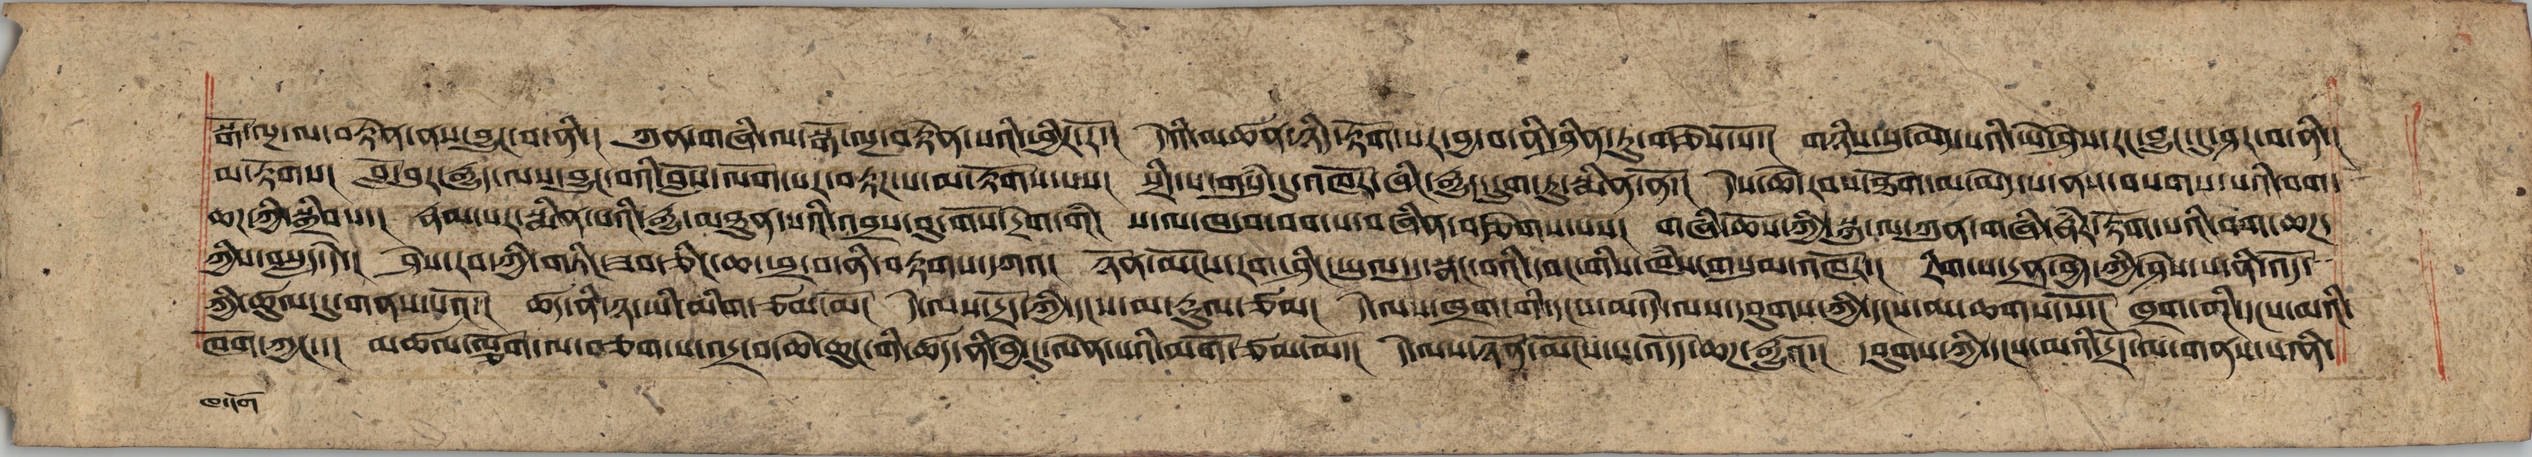སྒོ་ལྔ་ལ་བརྟེན་ནས་བྱུང་བ་ནི་། ཀུན་གཞི་ལ་སྒོ་ལྔ་བརྟེན་པའི་ཕྱིར་རོ་། དེའི་མཚན་ཉིད་རྟོག་པར་བྱ་བ་ནི་ཤིན་ཏུ་གཅེས་སོ་། གཉིས་སུ་མེད་པའི་ཡེ་ཤེས་རང་བྱུང་དུ་ཤར་བ་ནི་།
མ་རྟོགས། བློ་བུར་རྒྱུད་ལས་བྱུང་བའི་བློས་ལོག་པར་བརྟཌ་པ་མ་རྟོགས་པས། སྲིད་པ་གསུཾ་དུ་འཁོར་ཞིང་རྒྱུད་དྲུག་ཏུ་སྨིན་ནོ་། དེས་ཚེ་རབས་ཐོག་མ་མེད་པ་ནས་བསགས་པའི་བག་
ཆཌ་ཀྱི་སྒྲིབས་། རྣམ་པར་སྨིན་པའི་རྒྱུ་མཐུན་པའི་འབྲས་བུ་གོས་དྲེག་གི། ས་ལ་ཁ་བ་བབ་པ་བཞིནབརྩེགས་པས། གཞི་ཆོས་ཀྱི་སྐུ་ལ་ཀུན་གཞི་རྣཾར་རྟོག་པའི་བག་ཆཌ་
གྱིས་བསླད་དེ་། ཤེས་རབ་ཀྱི་གཏིང་ཟབ་ཅིང་ཆ་ཕྲ་བ་ནི་བརྟགས་དགའ། ཉོན་མོངས་རག་ཤིང་ཡུལ་དུ་སྣང་བའི་དབང་གིས་ཁཾས་གསུམ་འཁོར་། རིག་པ་དྲན་བྱེད་ཀྱི་ཤེས་པ་ནི་འདོ་
ཀྱི་ཚུལ་དུ་གནས་པའོ་། ཚད་ནི་ཉ་ཡི་མིག་ཙམ་མོ། དེ་བས་དྲོད་ཀྱི་དངས་མ་རྡུལ་ཙམ། དེ་ལས་ཁྲག་གི་དངས་མ་དེ་ལས་དབུགས་ཀྱི་དངས་མ་ཆགས་སོ་། ཁྲག་གི་དངས་མའི་
ཁོག་ཀྱང་་། མཚལ་ལྕོག་ལ་བཅག་པ་འདྲ་བ་ཆེ་ཆུང་གི་ཚད་ནི་བྱེ་དུ་ལེན་པའི་མགོ་ཙམ་མོ་། དེ་ལས་ཉོན་མོངས་པ་འདོད་ཆཌ་རྒྱུའོ་། དབུགས་ཀྱི་དངས་མའི་དྲོད་ལ་གནས་པ་ནི་